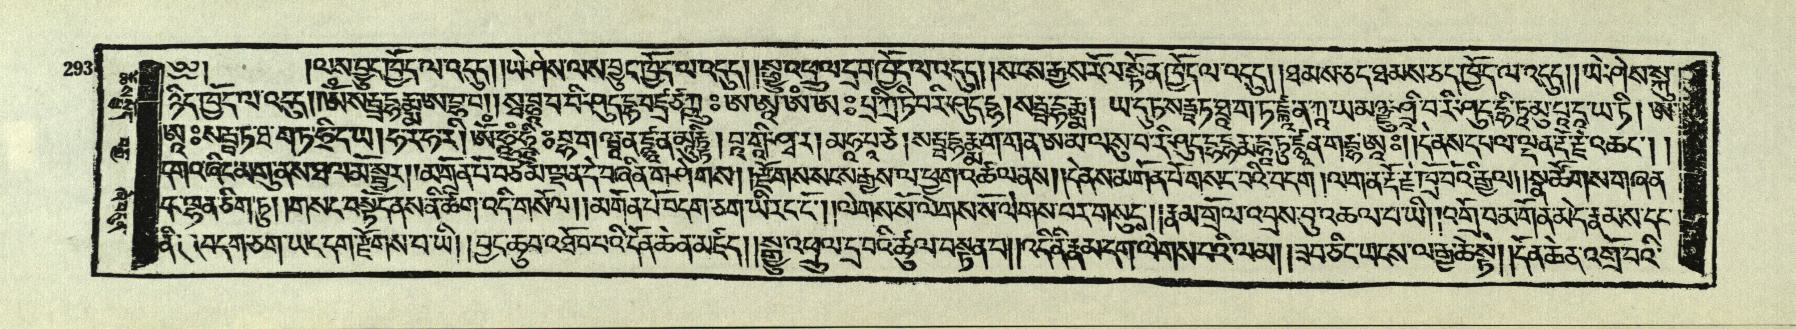༄༅། །ལས་བྱུང་ཁྱོད་ལ་འདུད། །ཡེ་ཤེས་ལས་བྱུང་ཁྱོད་ལ་འདུད། །སྥྱུ་འཕྲུལ་དྲ་བ་ཁྱོད་ལ་འདུད། །སངས་རྒྱས་རོལ་སྟོན་ཁྱོད་ལ་འདུད། །ཐམས་ཅད་ཐམས་ཅད་ཁྱོད་ལ་འདུད། །ཡེ་ཤེས་སྐུ་
ཉིད་ཁྱོད་ལ་འདུད། །ཨོཾ་སརྦྦ་དྷརྨྨ་ཨ་བྷ་བ། །སྭ་བྷཱ་བ་བི་ཤུད་དྷ་བཛྲ་ཙཀྵཱུཿཨ་ཨཱ་ཨཾ་ཨཿ པྲ་ཀྲི་ཏི་པ་རི་ཤུད་དྷ། སརྦྦ་དྷ་རྨྨ། ཡ་དུ་ཏ་སརྦྦ་ཏ་ཐཱ་ག་ཏ་ཛྙཱ་ན་ཀཱ་ཡ་མཉྫུ་ཤྲཱི་བ་རི་ཤུད་དྷི་ཏཱ་མུ་པཱ་དཱ་ཡ་ཏི། ཨ་
ཨཱཿ སརྦྦ་ཏ་ཐ་ག་ཏ་ཧྲི་ད་ཡ། ཧ་ར་ཧ་རི། ཨོཾ་ཧཱུཾ་ཧྲཱིཿབྷག་ཝཱན་ཛྙཱ་ན་མཱུརྟྟི། བཱ་གཱི་ཤྭ་ར། མཧཱ་པཱ་ཙ། སརྦྦ་དྷ་རྨྨ་ག་ག་ན་ཨ་མ་ལ་སུ་བ་རི་ཤུད་དྷ་དྷརྨ་དྷཱ་ཏུ་ཛྙཱན་གརྦྷ་ཨཱཿ། །དེ་ནས་དཔལ་ལྡན་རྡོ་རྗེ་འཆང་། །
དགའ་ཞིང་མགུ་ནས་ཐལ་མོ་སྦྱར། །མགྲོན་པོ་བཅོམ་ལྡན་དེ་བཞིན་གཤེགས། །རྫོགས་སངས་རྒྱས་ལ་ཕྱག་འཚལ་ནས། །དེ་ནས་མགོན་པོ་གསང་བའི་བདག །ལག་ན་རྡོ་རྗེ་ཁྲོ་བོའི་རྒྱལ། །སྣ་ཚོགས་གཞན་
དང་ལྷན་ཅིག་ཏུ། །གསང་བསྟོད་ནས་ནི་ཚིག་འདི་གསོལ། །མགོན་པོ་བདག་ཅག་ཡི་རང་ངོ། །ལེགས་སོ་ལེགས་སོ་ལེགས་པར་གསུངས། །རྣམ་གྲོལ་འབྲས་བུ་འཆལ་པ་ཡི། །འགྲོ་བ་མགོན་མེད་རྣམས་དང་
ནི༑ ༑བདག་ཅག་ཡང་དག་རྫོགས་བ་ཡི། །བྱང་ཆུབ་འཐོབ་པའི་དོན་ཆེན་མཛད། །སྒྱུ་འཕྲུལ་དྲ་བའི་ཚུལ་བསྟན་བ། །འདི་ནི་རྣམ་དག་ལེགས་པའི་ལམ། །ཟབ་ཅིང་ཡངས་ལ་རྒྱ་ཆེ་སྟེ། །དོན་ཆེན་འགྲོ་བའི་